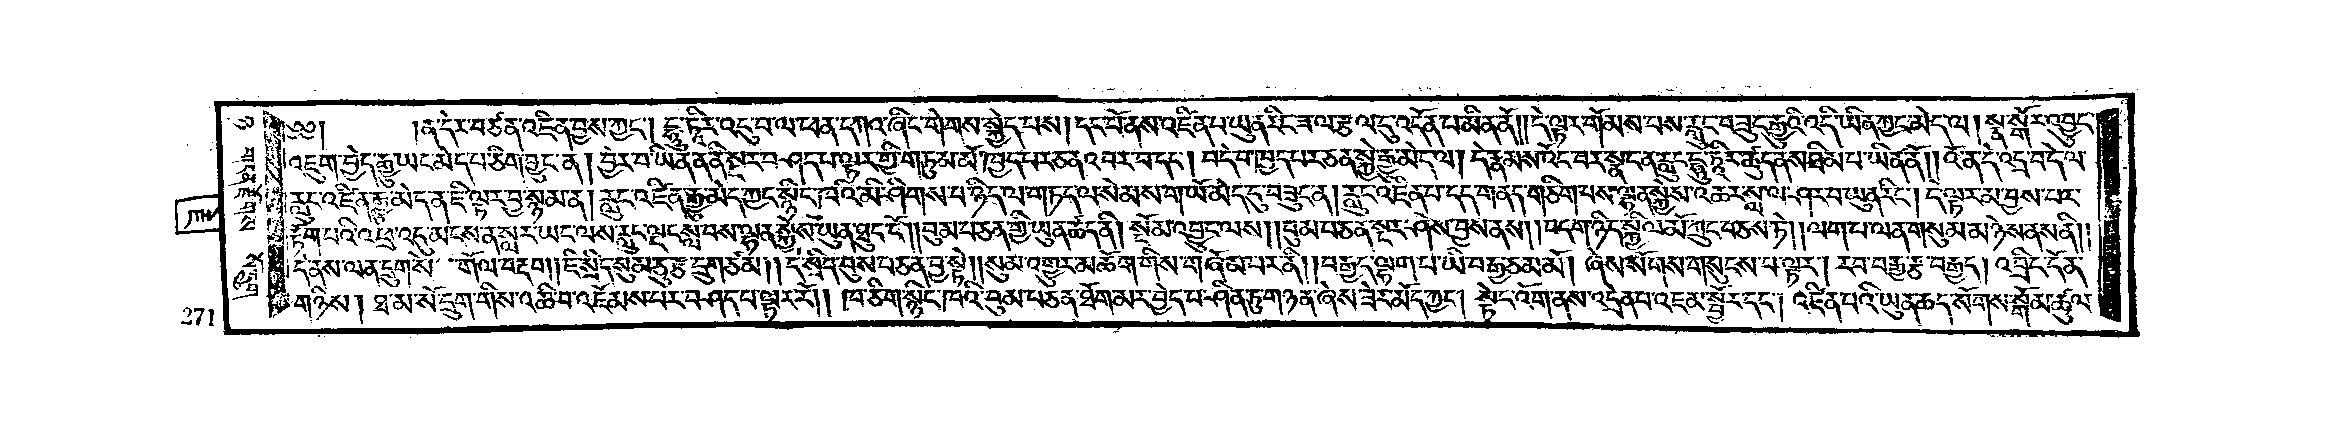༄༅། །ན་དེར་བཙན་འཛིན་བྱས་ཀྱང་། དྷཱུ་ཏཱིར་འདུ་བ་ལ་ཕན་དཀའ་ཞིང་གེགས་སྐྱེད་པས། དང་པོ་ནས་འཛིན་པ་ཡུན་རིང་བ་ལ་རྩལ་དུ་འདོན་པ་མིན་ནོ། །དེ་ལྟར་གོམས་པས་རླུང་བཟུང་རྒྱུའི་འདི་ཡིན་ཀྱང་མེད་ལ། སྣ་སྒོར་འབྱུང་
འཇུག་བྱེད་རྒྱུ་ཡང་མེད་པ་ཅིག་བྱུང་ན། བྱོར་བ་ཡིན་ན་ནི་སྔར་བཤད་པ་ལྟར་གྱི་གཏུམ་མོ་ཁྱད་པར་ཅན་འབར་བ་དང་། བདེ་བ་ཁྱད་པར་ཅན་སྐྱེ་རྒྱུ་མེད་ལ། དེ་རྣམས་འོང་བར་སྣང་ན་རླུང་དྷཱུ་ཏཱིར་ཚུད་ནས་ཐིམ་པ་ཡིན་ནོ། །འོ་ན་དེ་འདྲ་བ་དེ་ལ་
རླུང་འཛིན་རྒྱུ་མེད་ན་ཇི་ལྟར་བྱ་སྙམ་ན། རླུང་འཛིན་རྒྱུ་མེད་ཀྱང་སྙིང་ཁའི་མི་ཤིགས་པ་ཉིད་ལ་གཏད་ལ་སེམས་གཡོ་མེད་དུ་བཟུང་ན། རླུང་འཛིན་པ་དང་གནད་གཅིག་པས་ལྷན་སྐྱེས་འཆར་སླ་ལ་ཤར་བ་ཡུན་རིང་། དེ་ལྟར་མ་བྱས་པར་
རྟོག་པའི་འཕྲོ་འདུ་མངས་ན་སླར་ཡང་ལས་རླུང་ལྡང་སླ་བས་ལྷན་སྐྱེས་ཡུན་ཐུང་ངོ། །བུམ་པ་ཅན་གྱི་ཡུན་ཚད་ནི། སྡོམ་འབྱུང་ལས། །བུམ་པ་ཅན་སྔར་ཤེས་བྱས་ནས། །བདག་ཉིད་སྐྱིལ་མོ་ཀྲུང་བཅས་ཏེ། །ལག་པ་ལན་གསུམ་མཉེས་ནས་ནི། །
དེ་ནས་ལན་དྲུག་སེལ་ཀོལ་བརྡབ། །ཇི་སྲིད་སུམ་ཅུ་རྩ་དྲུག་ཙམ། །དེ་སྲིད་བུམ་པ་ཅན་བྱ་སྟེ། །སུམ་འགྱུར་མཆོག་གིས་གཞོམ་པར་ནི། །བརྒྱད་ལྷག་པ་ཡི་བརྒྱ་ཙམ་མོ། ཞེས་སོགས་གསུངས་པ་ལྟར། རབ་བརྒྱ་རྩ་བརྒྱད། འབྲིང་དོན་
གཉིས། ཐ་མ་སོ་དྲུག་གིས་འཆི་བ་འཇོམས་པར་བཤད་པ་ལྟར་རོ། །ཁ་ཅིག་སྙིང་ཁའི་བུམ་པ་ཅན་ཐོག་མར་བྱེད་པ་ཤིན་ཏུ་གཉན་ཞེས་ཟེར་མོད་ཀྱང་། སྟེང་འོག་ནས་འདྲེན་པ་འཇམ་སྦྱོར་དང་། འཛིན་པའི་ཡུན་ཆད་སོགས་སྒོམ་ཚུལ་